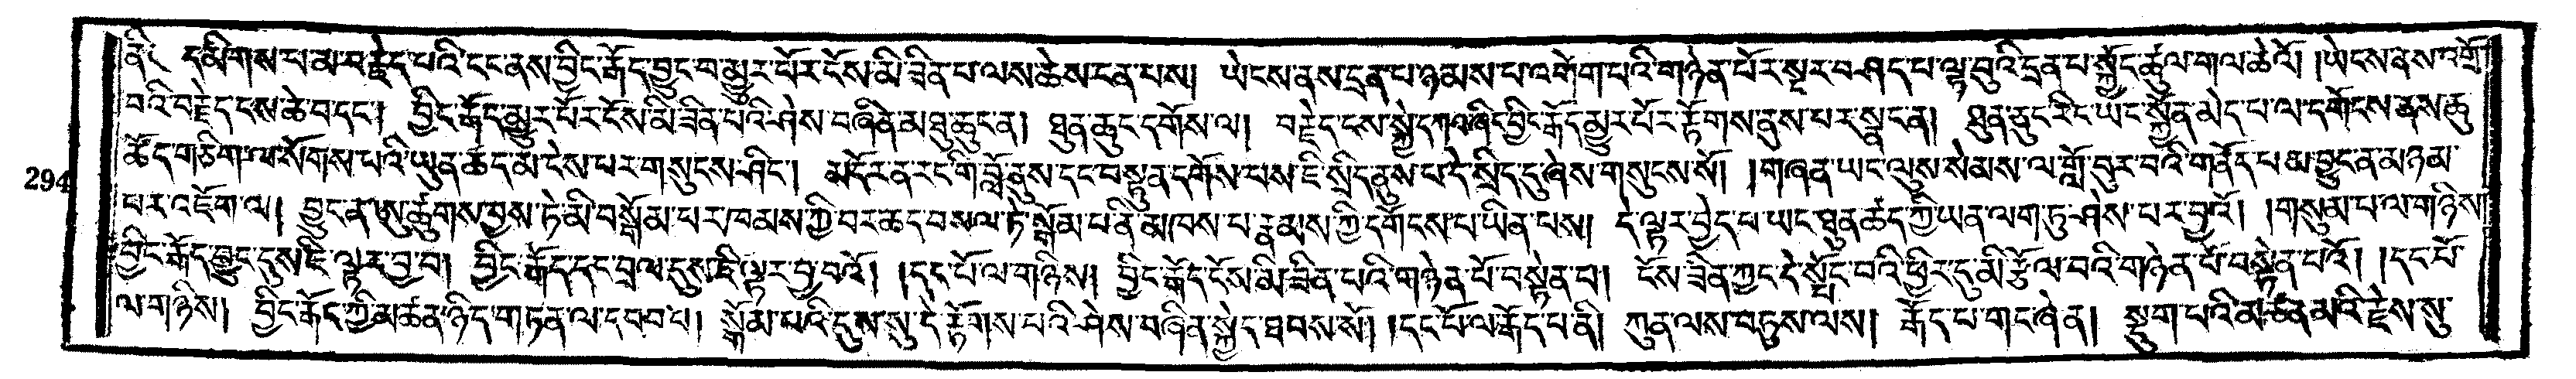ནི༑ དམིགས་པ་མ་བརྗེད་པའི་ངང་ནས་བྱིང་རྒོད་བྱུང་བ་མྱུར་པོར་ངོས་མི་ཟིན་པ་ལས་ཆེས་ངན་པས། ཡེངས་ནས་དྲན་པ་ཉམས་པ་འགོག་པའི་གཉེན་པོར་སྔར་བཤད་པ་ལྟ་བུའི་དྲན་པ་སྐྱོང་ཚུལ་གལ་ཆེའོ། །ཡེངས་ནས་འགྲོ་
བའི་བརྗེད་ངས་ཆེ་བ་དང་། བྱིང་རྒོད་མྱུར་པོར་ངོས་མི་ཟིན་པའི་ཤེས་བཞིན་མཐུ་ཆུང་ན། ཐུན་ཆུང་དགོས་ལ། བརྗེད་ངས་སྐྱེ་དཀའ་ཞིང་བྱིང་རྒོད་མྱུར་པོར་རྟོགས་ནུས་པར་སྣང་ན། ཐུན་ཅུང་རིང་ཡང་སྐྱོན་མེད་པ་ལ་དགོངས་ནས་ཆུ་
ཚོད་གཅིག་ལ་སོགས་པའི་ཡུན་ཚད་མ་ངེས་པར་གསུངས་ཤིང་། མདོར་ན་རང་གི་བློ་ནུས་དང་བསྟུན་དགོས་པས་ཇི་སྲིད་ནུས་པ་དེ་སྲིད་དུ་ཞེས་གསུངས་སོ། །གཞན་ཡང་ལུས་སེམས་ལ་གློ་བུར་བའི་གནོད་པ་མ་བྱུང་ན་མཉམ་
པར་འཇོག་ལ། བྱུང་ན་ཨུ་ཚུགས་བྱས་ཏེ་མི་བསྒོམ་པར་ཁམས་ཀྱི་བར་ཆད་བསལ་ཏེ་སྒོམ་པ་ནི་མཁས་པ་རྣམས་ཀྱི་དགོངས་པ་ཡིན་པས། དེ་ལྟར་བྱེད་པ་ཡང་ཐུན་ཚད་ཀྱི་ཡན་ལག་ཏུ་ཤེས་པར་བྱའོ། །གསུམ་པ་ལ་གཉིས་
བྱིང་རྒོད་བྱུང་དུས་ཇི་ལྟར་བྱ་བ། བྱིང་རྒོད་དང་བྲལ་དུས་ཇི་ལྟར་བྱ་བའོ། །དང་པོ་ལ་གཉིས། བྱིང་རྒོད་དོས་མི་ཟིན་པའི་གཉེན་པོ་བསྟེན་པ། ངོས་ཟིན་ཀྱང་དེ་སྤོང་བའི་ཕྱིར་དུ་མི་རྩོལ་བའི་གཉེན་པོ་བསྟེན་པའོ། །དང་པོ་
ལ་གཉིས། བྱིང་རྒོད་ཀྱི་མཚན་ཉིད་གཏན་ལ་དབབ་པ། སྒོམ་པའི་དུས་སུ་དེ་རྟོགས་པའི་ཤེས་བཞིན་སྐྱེད་ཐབས་སོ། །དང་པོ་ལ་རྒོད་པ་ནི། ཀུན་ལས་བཏུས་ལས། རྒོད་པ་གང་ཞེ་ན། སྡུག་པའི་མཚན་མའི་རྗེས་སུ་